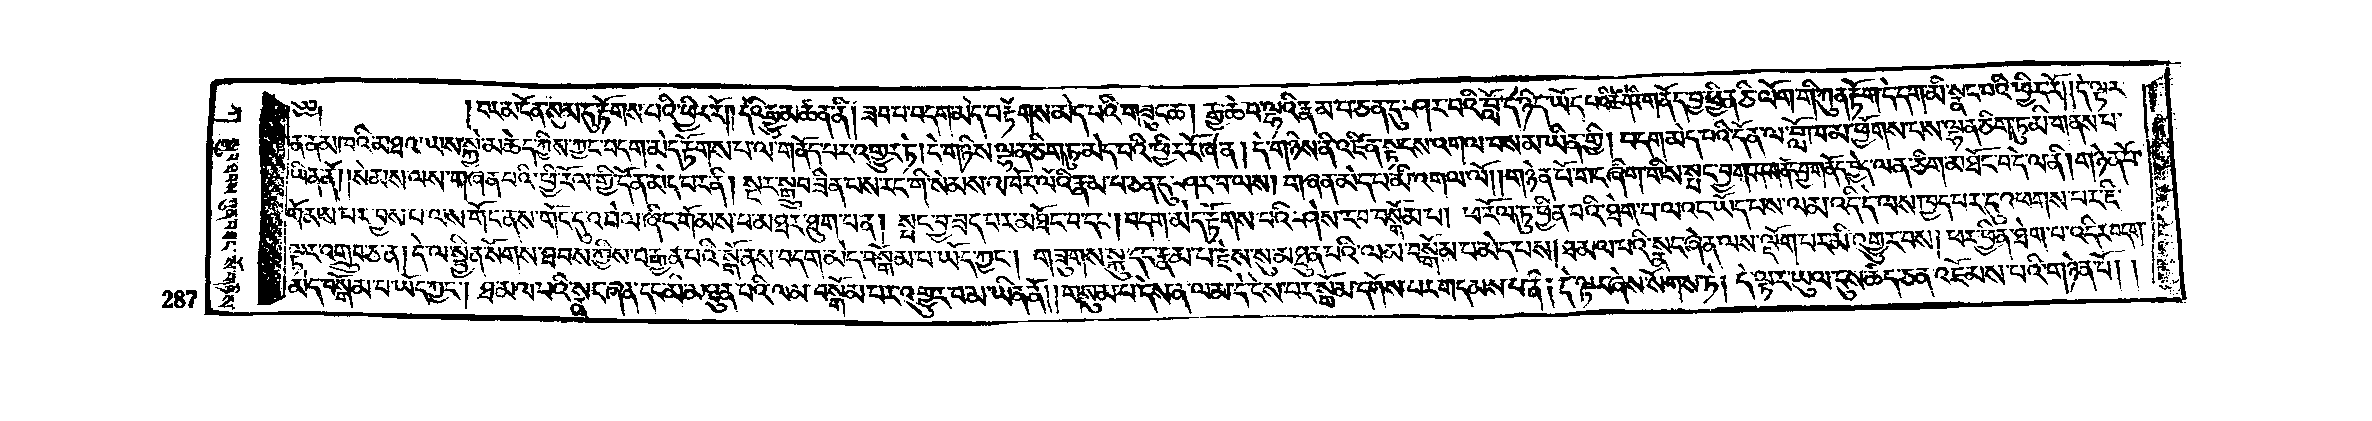༄༅། །བར་མངོན་སུམ་དུ་རྟོགས་པའི་ཕྱིར་རོ། །དེའི་རྒྱུ་མཚན་ནི། ཟབ་པ་བདག་མེད་པ་རྟོགས་མེད་པའི་གཟུང་ཆ། རྒྱ་ཆེ་བ་ལྷའི་རྣམ་པ་ཅན་དུ་ཤར་བའི་བློ་དེ་ཉིད་ཡོད་པའི་ཚེ་དེའི་གནོད་བྱ་ཕྱིན་ཅི་ལོག་གི་ཀུན་རྟོག་དེ་དག་མི་སྣང་བའི་ཕྱིར་རོ། །དེ་ལྟར་
ན་ནམ་མཁའི་མཐའ་ཡས་སྐྱེ་མཆེད་ཀྱིས་ཀྱང་བདག་མེད་རྟོགས་པ་ལ་གནོད་པར་འགྱུར་ཏེ། དེ་གཉིས་ལྷན་ཅིག་ཏུ་མེད་པའི་ཕྱིར་རོ་ཞེ་ན། དེ་གཉིས་ནི་འཛིན་སྟངས་འགལ་བས་མ་ཡིན་གྱི། བདག་མེད་པའི་དོན་ལ་བློ་ཁ་མ་ཕྱོགས་པས་ལྷན་ཅིག་ཏུ་མི་གནས་པ་
ཡིན་ནོ། །སེམས་ལས་གཞན་པའི་ཕྱི་རོལ་གྱི་དོན་མེད་པར་ནི། སྔར་སྒྲུབ་ཟིན་པས་རང་གི་སེམས་འཁོར་ལོའི་རྣམ་པ་ཅན་དུ་ཤར་བ་ལས། གཞན་མེད་པ་མི་འགལ་ལོ། །གཉེན་པོ་གང་ཞིག་གིས་སྤང་བྱ་གང་དང་གནོད་བྱ་གནོད་བྱེད་ལན་ཅིག་མཐོང་བ་དེ་ལ་ནི། གཉེན་པོ་
གོམས་པར་བྱས་པ་ལས་གོང་ནས་གོང་དུ་འཕེལ་ཞིང་གོམས་པ་མཐར་ཐུག་པ་ན། སྤང་བྱ་ཟད་པ་མཐོང་བ་དང་། བདག་མེད་རྟོགས་པའི་ཤེས་རབ་བསྒོམ་པ། ཕ་རོལ་ཏུ་ཕྱིན་པའི་ཐེག་པ་ལའང་ཡོད་པས་ལམ་འདི་དེ་ལས་ཁྱད་པར་དུ་འཕགས་པར་ཇི་
ལྟར་འགྲུབ་ཅི་ན། དེ་ལ་སྦྱིན་སོགས་ཐབས་ཀྱིས་བརྒྱན་པའི་སྒོ་ནས་བདག་མེད་བསྒོམ་པ་ཡོད་ཀྱང་། གཟུགས་སྐུ་དང་རྣམ་པ་རྗེས་སུ་མཐུན་པའི་ལམ་བསྒོམ་པ་མེད་པས། ཐ་མལ་པའི་སྣང་ཞེན་ལས་ལྡོག་པར་མི་འགྱུར་བས། ཕར་ཕྱིན་ཐེག་པ་འདིར་བདག་
མེད་བསྒོམ་པ་ཡོད་ཀྱང་། ཐ་མལ་པའི་སྣང་ཞན་དང་མི་མཐུན་པའི་ལམ་བསྒོམ་པར་འགྱུར་བ་མ་ཡིན་ནོ། །གསུམ་པ་དེས་ན་ལམ་དེ་ངེས་པར་སྒོམ་དགོས་པར་གདམས་པ་ནི། དེ་ལྟར་ཞེས་སོགས་ཏེ། དེ་ལྟར་ཡུལ་དུས་ཚད་ཅན་འཇོམས་པའི་གཉེན་པོ། །